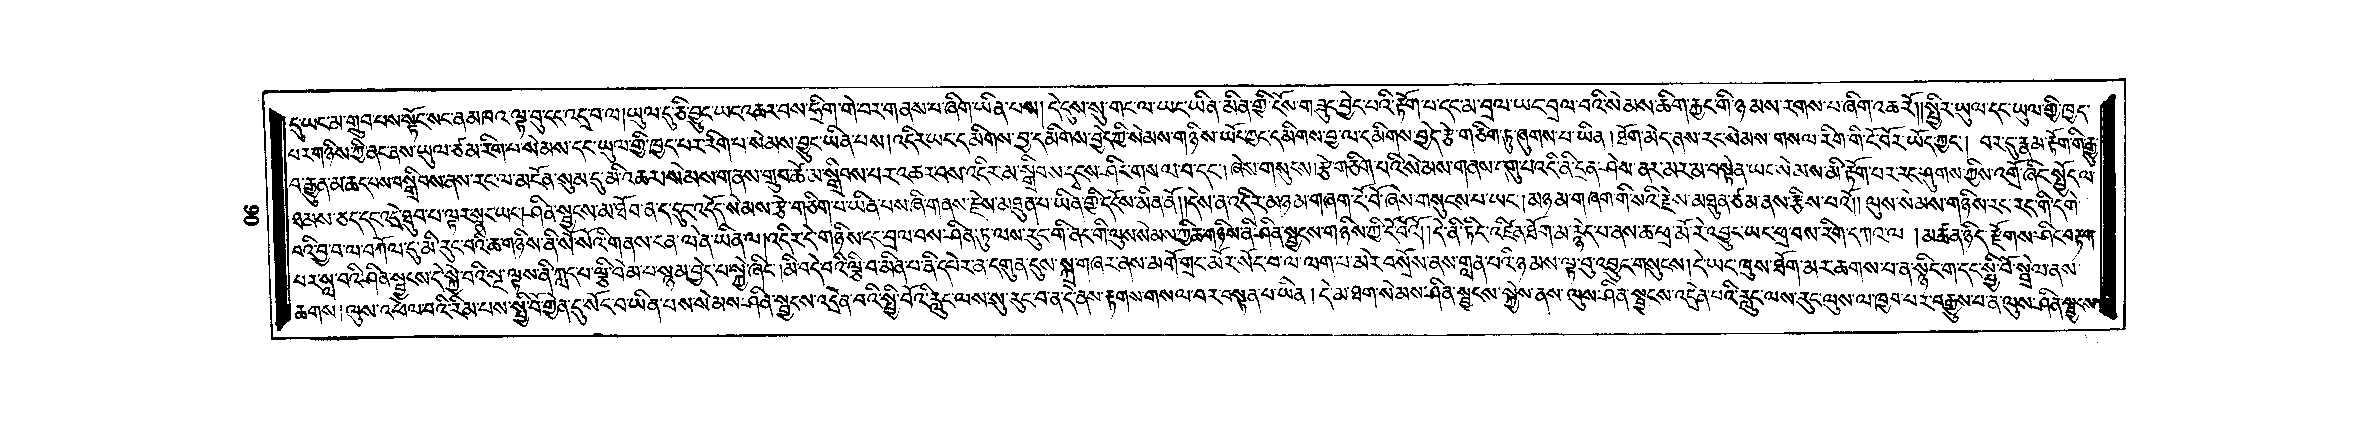དུ་ཡང་མ་གྲུབ་པས་སྟོང་སང་ནམ་མཁའ་ལྟ་བུ་དང་འདྲ་བ་ལ། ཡུལ་དུ་ཅི་བྱུང་ཡང་འཆར་བས་ཧྲིག་གེ་བར་གནས་པ་ཞིག་ཡིན་པས། དེ་དུས་སུ་གང་ལ་ཡང་ཡིན་མིན་གྱི་ངོས་གཟུང་བྱེད་པའི་རྟོག་པ་དང་མ་བྲལ་ཡང་བྲལ་བའི་སེམས་ཆིག་རྐྱང་གི་ཉམས་རགས་པ་ཞིག་འཆར་རོ། །སྤྱིར་ཡུལ་དང་ཡུལ་གྱི་ཁྱད་
པར་གཉིས་ཀྱི་ནང་ནས་ཡུལ་ཙམ་རིག་པ་སེམས་དང་ཡུལ་གྱི་ཁྱད་པར་རིག་པ་སེམས་བྱུང་ཡིན་པས། འདིར་ཡང་དམིགས་བྱ་དམིགས་བྱེད་ཀྱི་སེམས་གཉིས་ཡོང་ཀྱང་དམིགས་བྱ་ལ་དམིགས་བྱེད་རྩེ་གཅིག་ཏུ་ཞུགས་པ་ཡིན། ཐོག་མེད་ནས་རང་སེམས་གསལ་རིག་གི་ངོ་བོར་ཡོད་ཀྱང་། བར་དུ་རྣམ་རྟོག་གི་རྒྱུ་
བ་རྒྱུན་མ་ཆད་པས་བསྒྲིབས་ནས་རང་ལ་མངོན་སུམ་དུ་མི་འཆར། སེམས་གནས་གྲུབ་ཚེ་མ་སྒྲིབས་པར་འཆར་བས་འདིར་མ་སྒྲིབས་དྭངས་ཤིང་གསལ་བ་དང་། ཞེས་གསུངས། རྩེ་གཅིག་པའི་སེམས་གནས་དགུ་པ་འདི་ནི་དྲན་ཤེས་ནར་མར་མ་བསྟེན་ཡང་སེམས་མི་རྟོག་པར་རང་ཤུགས་ཀྱིས་འགྲོ་ཞིང་སྤྱོད་ལ་
ཐམས་ཅད་དང་འདྲེ་ཐུབ་པ་ལྟར་སྣང་ཡང་། ཤིན་སྦྱངས་མ་ཐོབ་ན་ད་དུང་འདོད་སེམས་རྩེ་གཅིག་པ་ཡིན་པས་ཞི་གནས་རྗེས་མཐུན་པ་ཡིན་གྱི་དངོས་མིན་ནོ། །དེས་ན་འདིར་མཉམ་གཞག་ངོ་བོ་ཞེས་གསུངས་པ་ཡང་། མཉམ་གཞག་གི་སའི་རྗེས་མཐུན་ཙམ་ནས་རྩིས་པའོ། །ལུས་སེམས་གཉིས་རང་རང་གི་དགེ་
བའི་བྱ་བ་ལ་བཀོལ་དུ་མི་རུང་བའི་ཆ་གཉིས་ནི་སོ་སོའི་གནས་ངན་ལེན་ཡིན་ལ། འདིར་དེ་གཉིས་དང་བྲལ་བས་ཤིན་ཏུ་ལས་རུང་གི་ནང་གི་ལུས་སེམས་ཀྱི་ཆ་གཉིས་ནི་ཤིན་སྦྱངས་གཉིས་ཀྱི་ངོ་བོའོ། །དེ་ནི་ཏིང་འཛིན་ཐོག་མ་རྙེད་པ་ནས་ཆ་ཕྲ་མོ་རེ་འབྱུང་ཡང་ཕྲ་བས་རིག་དཀའ་ལ། མཚན་ཉིད་རྫོགས་ཤིང་བརྟག་
པར་སླ་བའི་ཤིན་སྦྱངས་དེ་སྐྱེ་བའི་སྔ་ལྟས་ནི་ཀླད་པ་ལྕི་བེམ་པ་སྙམ་བྱེད་པ་སྐྱེ་ཞིང་། མི་བདེ་བའི་ལྕི་བ་མིན་པ་ནི་དཔེར་ན་དགུན་དུས་སྐྲ་གཞར་ནས་མགོ་གྲང་མོར་སོང་བ་ལ་ལག་པ་མེར་བསྲོས་ནས་གླན་པའི་ཉམས་ལྟ་བུ་འབྱུང་གསུངས། དེ་ཡང་ལུས་ཐོག་མར་ཆགས་པ་ནི་སྙིང་ག་དང་སྤྱི་བོ་སྦྲེལ་ནས་
ཆགས། ལུས་འཕེལ་བའི་རིམ་པས་སྤྱི་བོ་གྱེན་དུ་སོང་བ་ཡིན་པས་སེམས་ཤིན་སྦྱངས་འདྲེན་པའི་སྤྱི་བོའི་རླུང་ལས་སུ་རུང་བ་ན་དེ་ནས་རྟགས་གསལ་བར་བསྟན་པ་ཡིན། དེ་མ་ཐག་སེམས་ཤིན་སྦྱངས་སྐྱེས་ནས་ལུས་ཤིན་སྦྱངས་འདྲེན་པའི་རླུང་ལས་རུང་ལུས་ལ་ཁྱབ་པར་བརྒྱུས་པ་ན་ལུས་ཤིན་སྦྱངས་